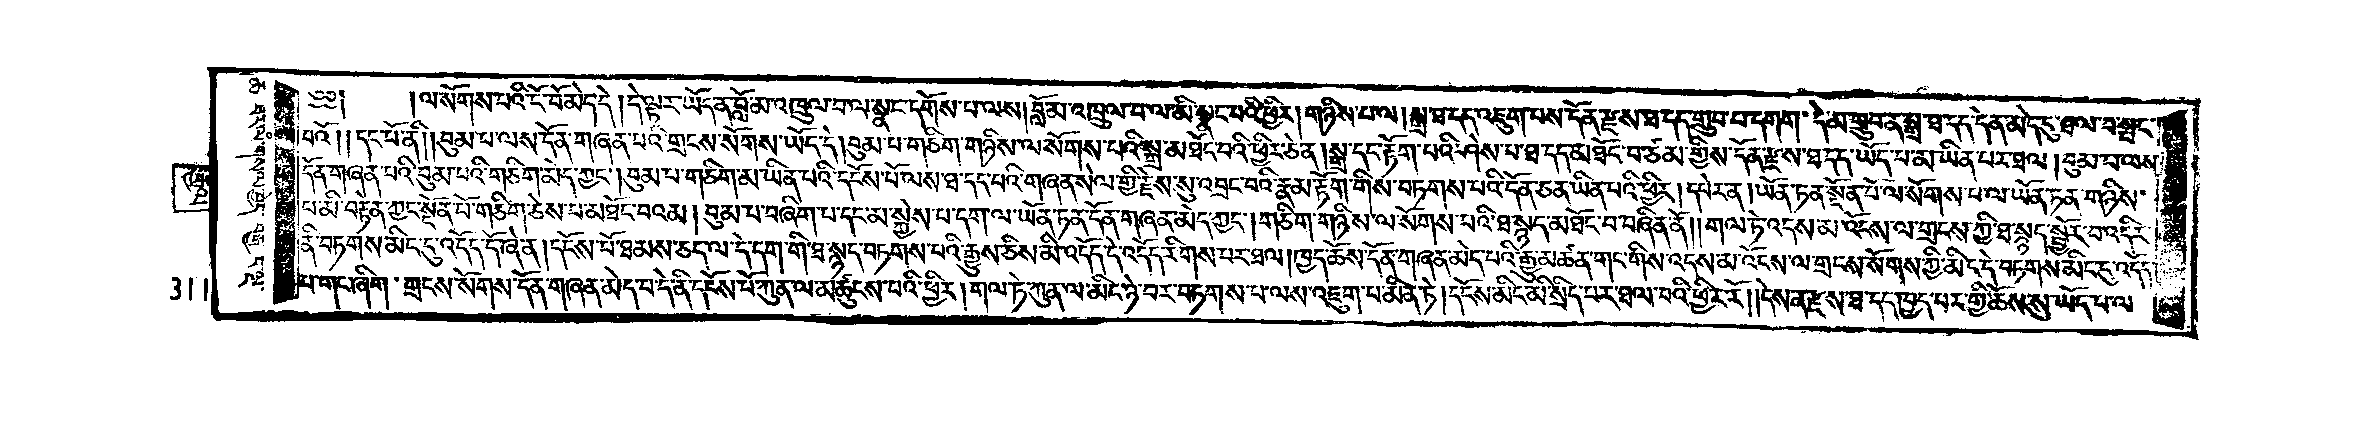༄༅། །ལ་སོགས་པའི་ངོ་བོ་མེད་དེ། དེ་ལྟར་ཡོད་ན་བློ་མ་འཁྲུལ་བ་ལ་སྣང་དགོས་པ་ལས། བློ་མ་འཁྲུལ་བ་ལ་མི་སྣང་པའི་ཕྱིར། གཉིས་པ་ལ། སྒྲ་ཐ་དད་འཇུག་པས་དོན་རྫས་ཐ་དད་གྲུབ་པ་དགག་དེ་མ་གྲུབ་ན་སྒྲ་ཐ་དད་དེན་མེད་དུ་ཐལ་བ་སྤང་
པའོ། །དང་པོ་ནི། །བུམ་པ་ལས་དོན་གཞན་པའི་གྲངས་སོགས་ཡོད་དེ། བུམ་པ་གཅིག་གཉིས་ལ་སོགས་པའི་སྒྲ་མཐོང་བའི་ཕྱིར་ཅེ་ན། སྒྲ་དང་རྟོག་པའི་ཤེས་པ་ཐ་དད་མཐོང་བ་ཙམ་གྱིས་དོན་རྫས་ཐ་དད་ཡོད་པ་མ་ཡིན་པར་ཐལ། བུམ་པ་ལས་
དོན་གཞན་པའི་བུམ་པའི་གཅིག་མེད་ཀྱང་།བུམ་པ་གཅིག་མ་ཡིན་པའི་དངོས་པོ་ལས་ཐ་དད་པའི་གཞན་སེལ་གྱི་རྗེས་སུ་འབྲང་བའི་རྣམ་རྟོག་གིས་བཏགས་པའི་དོན་ཅན་ཡིན་པའི་ཕྱིར། དཔེར་ན། ཡོན་ཏན་སྔོན་པོ་ལ་སོགས་པ་ལ་ཡོན་ཏན་གཉིས་
པ་མི་བརྟེན་ཀྱང་སྔོན་པོ་གཅིག་ཅེས་པ་མཐོང་བའམ། བུམ་པ་བཞིག་པ་དང་མ་སྐྱེས་པ་དག་ལ་ཡོན་ཏན་དོན་གཞན་མེད་ཀྱང་། གཅིག་གཉིས་ལ་སོགས་པའི་ཐ་སྙད་མཐོང་བ་བཞིན་ནོ། །གལ་ཏེ་འདས་མ་འོངས་ལ་གྲངས་ཀྱི་ཐ་སྙད་སྦྱོར་བ་འདིར་
ནི་བཏགས་མིང་དུ་འདོད་དོ་ཞེ་ན། དངོས་པོ་ཐམས་ཅད་ལ་དེ་དག་གི་ཐ་སྙད་བཏགས་པའི་རྒྱུས་ཅིས་མི་འདོད་དེ་འདོད་རིགས་པར་ཐལ། ཁྱད་ཆོས་དོན་གཞན་མེད་པའི་རྒྱུ་མཚན་གང་གིས་འདས་མ་འོངས་ལ་གྲངས་སོགས་ཀྱི་མིང་དེ་བཏགས་མིང་དུ་འདོད་
པ་གང་ཞིག་གྲངས་སོགས་དོན་གཞན་མེད་པ་དེ་ནི་དངོས་པོ་ཀུན་ལ་མཚུངས་པའི་ཕྱིར། གལ་ཏེ་ཀུན་ལ་མིང་ཉེ་བར་བཏགས་པ་ལས་འཇུག་པ་མིན་ཏེ། དངོས་མིང་མི་སྲིད་པར་ཐལ་བའི་ཕྱིར་རོ། །དེས་ན་རྫས་ཐ་དད་ཁྱད་པར་གྱི་ཆོས་སུ་ཡོད་པ་ལ་